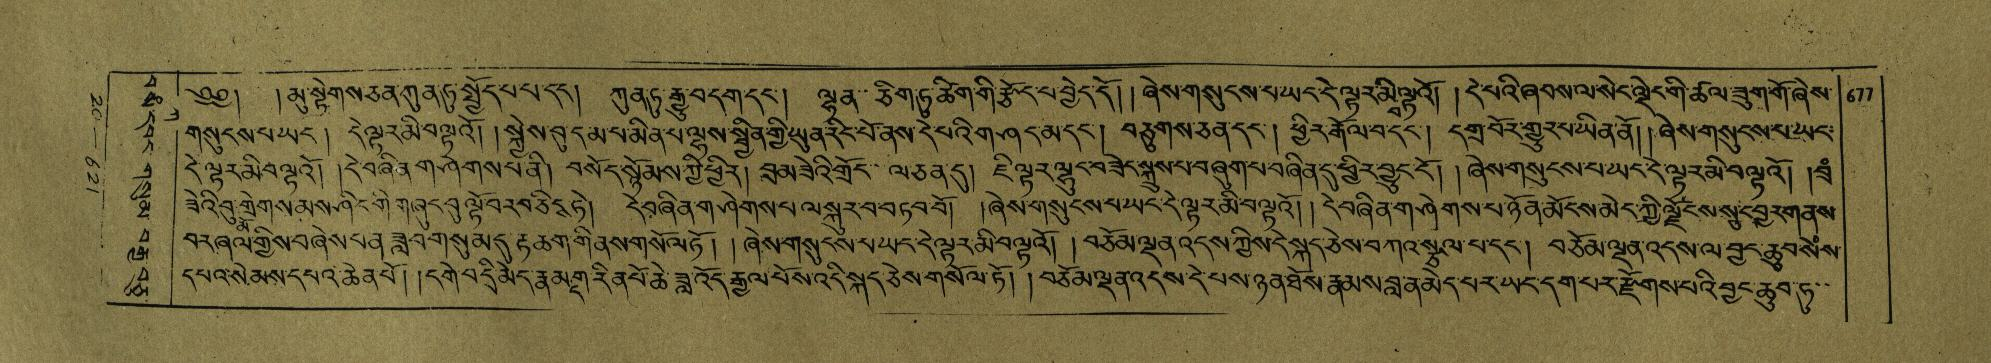༄༅། །མུ་སྟེགས་ཅན་ཀུན་ཏུ་སྤྱོད་པ་པ་དང་། ཀུན་ཏུ་རྒྱུ་བ་དག་དང་། ལྷན་ཅིག་ཏུ་ཚིག་གི་རྩོད་པ་བྱེད་དོ། །ཞེས་གསུངས་པ་ཡང་དེ་ལྟར་མྦི་ལྟའོ། །དེ་པའི་ཞབས་ལ་སེང་ལྡེང་གི་ཚལ་ཟུག་གོ་ཞེས་
གསུངས་པ་ཡང་། དེ་ལྟར་མི་བལྟའོ། །སྐྱེས་བུ་ད་མ་པ་མིན་པ་ལྷས་སྦྱིན་གྱི་ཡུན་རིང་པོ་ནས་དེ་པའི་གཤད་མ་དང་། བཅུགས་ཅན་དང་། ཕྱིར་རྒོལ་བ་དང་། དགྲ་བོར་གྱུར་པ་ཡིན་ནོ། །ཞེས་གསུངས་པ་ཡང་
དེ་ལྟར་མི་བལྟའོ། །དེ་བཞིན་གཤེགས་པ་ནི། བསོད་སྙོམས་ཀྱི་ཕྱིར། བྲམ་ཟེའི་གྲོང་ལ་ཅན་དུ། ཇི་ལྟར་ལྷུང་བཟེད་སྐྲུས་པ་བཞུག་པ་བཞིན་དུ་ཕྱིར་བྱུང་ངོ། །ཞེས་གསུངས་པ་ཡང་དེ་ལྟར་མི་བལྟའོ། །བྲཾ་
ཟེའི་བུ་མོ་གྲེགས་མས་ཤིང་གི་གཞུང་བུ་ལྟོ་བར་བཅིངས་ཏེ། དེ་བཞིན་གཤེགས་པ་ལ་སྐུར་བ་བཏབ་བོ། །ཞེས་གསུངས་པ་ཡང་དེ་ལྟར་མི་བལྟའོ། །དེ་བཞིན་གཤེགས་པ་ཉོན་མོངས་མེད་ཀྱི་ལྗོངས་སུ་དབྱར་གནས་
བར་ཞལ་གྱིས་བཞེས་པ་ན་ཟླ་བ་གསུམ་དུ་རྟ་ཆག་གི་ནས་གསོལ་ཏོ། །ཞེས་གསུངས་པ་ཡང་དེ་ལྟར་མི་བལྟའོ། །བཅོམ་ལྡན་འདས་ཀྱིས་དེ་སྐད་ཅེས་བཀའ་སྩལ་པ་དང་། བཅོམ་ལྡན་འདས་ལ་བྱང་ཆུབ་སེཾས་
དཔའ་སེམས་དཔའ་ཆེན་པོ། །དགེ་བ་དྲི་མེད་རྣམ་དག་རིན་པོ་ཆེ་ཟླ་འོད་རྒྱལ་པོས་འདི་སྐད་ཅེས་གསོལ་ཏོ། །བཅོམ་ལྡན་འདས་དེ་པས་ཉན་ཐོས་རྣམས་བླ་ན་མེད་པར་ཡང་དག་པར་རྫོགས་པའི་བྱང་ཆུབ་ཏུ་